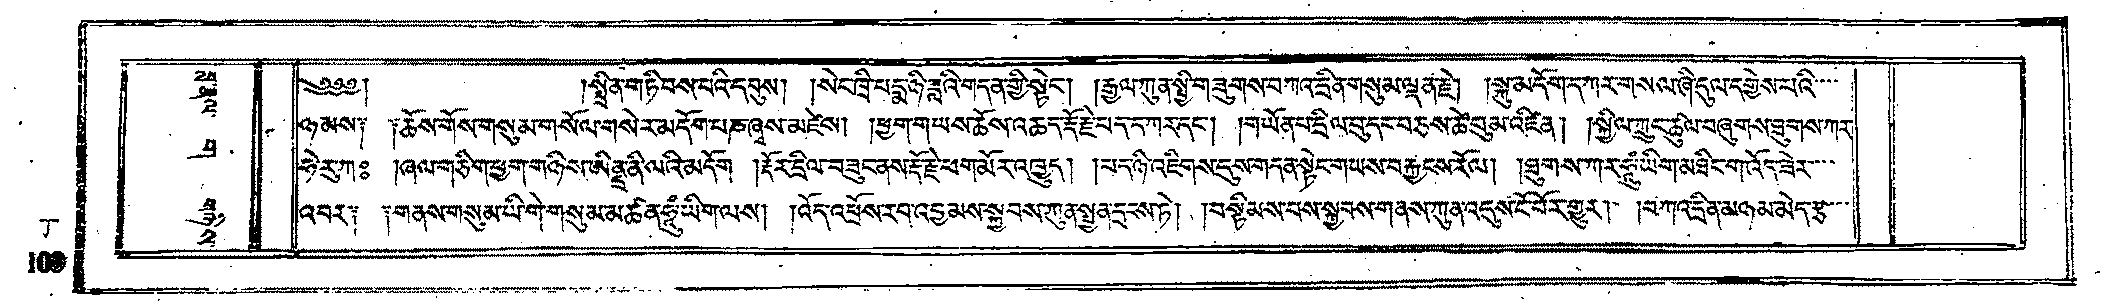༄༅༅། །སྦྲིན་གཏིབས་པའི་དབུས། །སེང་ཁྲི་པདམ་ཉི་ཟླའི་དྡན་གྱི་སྟེང་། །རྒྱལ་ཀུན་སྦྱི་གཟུགས་བཀའ་དྲིན་གསུམ་ལྡན་རྗེ། །སྐུ་མདོག་དཀར་གསལ་ཞི་དུལ་དགྱེས་པའི་་་
ཉམས༑ ༑ཆོག་གོས་གསུམ་གསོལ་གསེར་མདོག་པཎ་ཞྭས་མཛེས། །ཕྱག་གཡས་ཆོས་འཆད་རྡོ་རྗེ་པད་དཀར་དང་། །གཡོན་པ་དྲིལ་བུ་དང་བཅས་ཚེ་བུམ་འཛིན། །སྐྱིལ་ཀུན་ཚུལ་བཞུགས་ཐུགས་ཀར་
ཧེ་རུ་ཀཿ །ཞལ་གཅིག་ཕྱག་གཉིས་ཨིནྡྲ་ནི་ལའི་མདོག །རྡོར་རྡིལ་བཟུང་ནས་རྡོ་རྗེ་ཕག་མོར་འཁྱུད། །པད་ཉི་འཇིགས་དུས་གདན་སྟེང་གཡས་བརྐྱངས་རོལ། །ཐུགས་ཀར་ཧཱུཾ་ཡིག་མཐིང་ག་འོད་ཟེར་་་
འབར༑ ༑གནས་གསུམ་ཡི་གེ་གསུམ་མཚན་ཧཱུཾ་ཡིག་ལས། །འོད་འཕྲོས་རབ་འབྱམས་སྐྱབས་ཀུན་སྦྱན་དྲངས་ཏེ། །བསྟིམས་པས་སྐྱབས་གནས་ཀུན་འདུས་ངོ་བོར་གྱུར། །བཀའ་དྲིན་མཉན་མེད་རྩ་་་